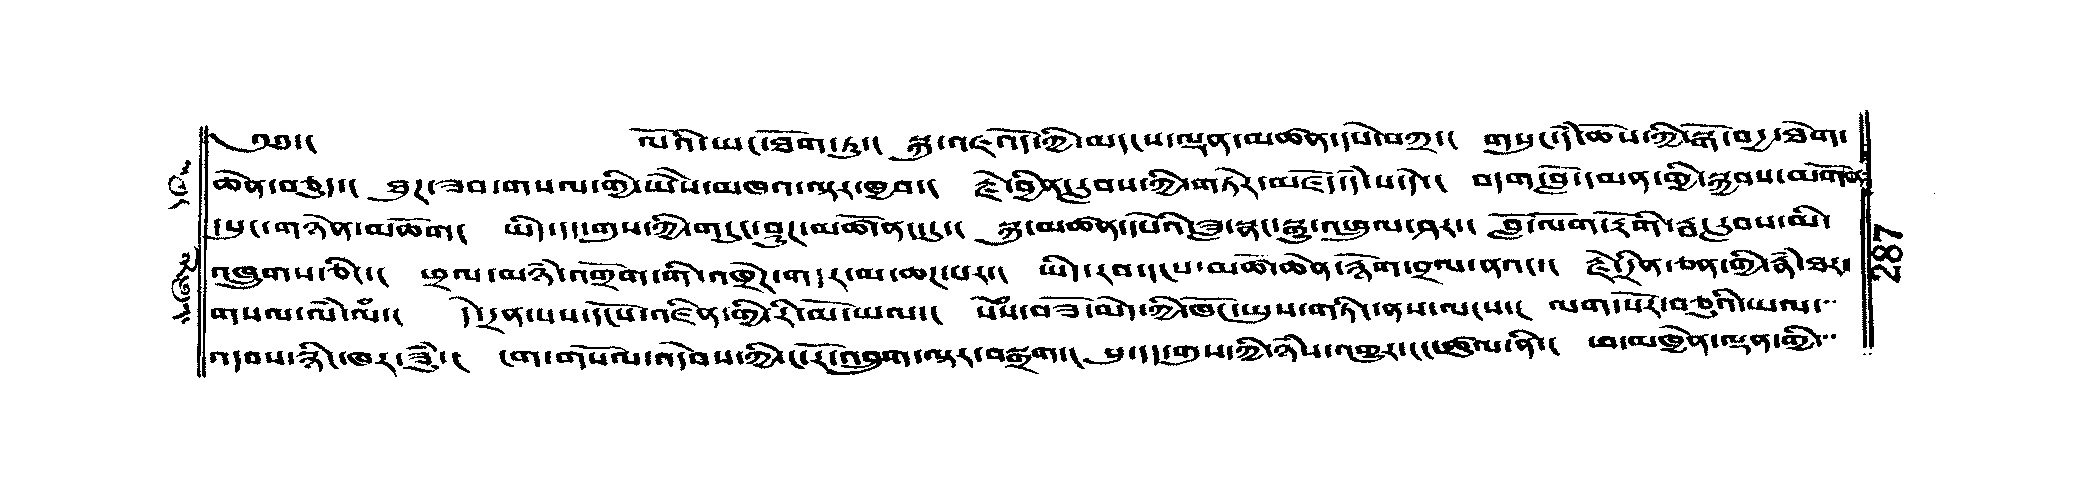ལོའི་ཡང་ཐོག་ཏུ། །སྐུ་འཇའ་འོད་ཀྱི་མདངས་ལྡན་མཚན་དཔེ་བཀྲ། །གསུང་དམ་ཆོས་ཀྱི་སྒོ་བརྒྱ་ཐེག་
ཆེན་བཅུད། །ཐུགས་ཟབ་གསལ་གྱི་ཡེ་ཤེས་མཁའ་ལྟར་ཁྱབ། །རྗེ་བྱིན་རླབས་ཀྱི་གཏེར་མཛོད་དམ་པ་དེ། །བདག་བློ་དམན་གྱི་སྐྱབས་མགོན་
དཔུང་གཉེན་མཆོག །ཡིད་དད་གུས་ཀྱི་གདུང་ཤུགས་མཚོ་ནང་དུ། །སྐུ་མཚན་དཔེའི་ཟླ་སྣང་སྒྱུ་འཕྲུལ་ཤར། །བློ་ལོག་རྟོག་གི་རྦ་རླབས་མི་
འཁྲུག་ཅིང་། །ཕྲལ་མཉམ་འགྲོགས་ཀྱི་འཁྲེགས་དར་མ་ཆགས་པར། །ཡིད་རབ་དྭངས་མཚོ་ཆེན་རྙོག་བྲལ་ནའང་། །རྗེ་དྲིན་ཅན་གྱི་རྣམ་ཐར་
གསལ་ལམ་ལམ། །དེ་དྲན་པས་དངོས་འཛིན་གྱི་རི་མོ་ཡལ། །སེམས་བཟོ་མེད་ཀྱི་ཁོང་ཡུས་གཏིང་ནས་ལངས། །ལག་སོར་བཅུའི་ཡལ་
འདབས་སྙིང་ཁར་ཟུམ། །ངག་གསོལ་འདེབས་ཀྱི་ང་རོ་འབྲུག་ལྟར་བསྒྲག །བུ་དད་གུས་ཀྱི་ཉམས་འགྱུར་ངང་ཚུལ་ནི། །ཕ་མཁྱེན་ལྡན་གྱི་